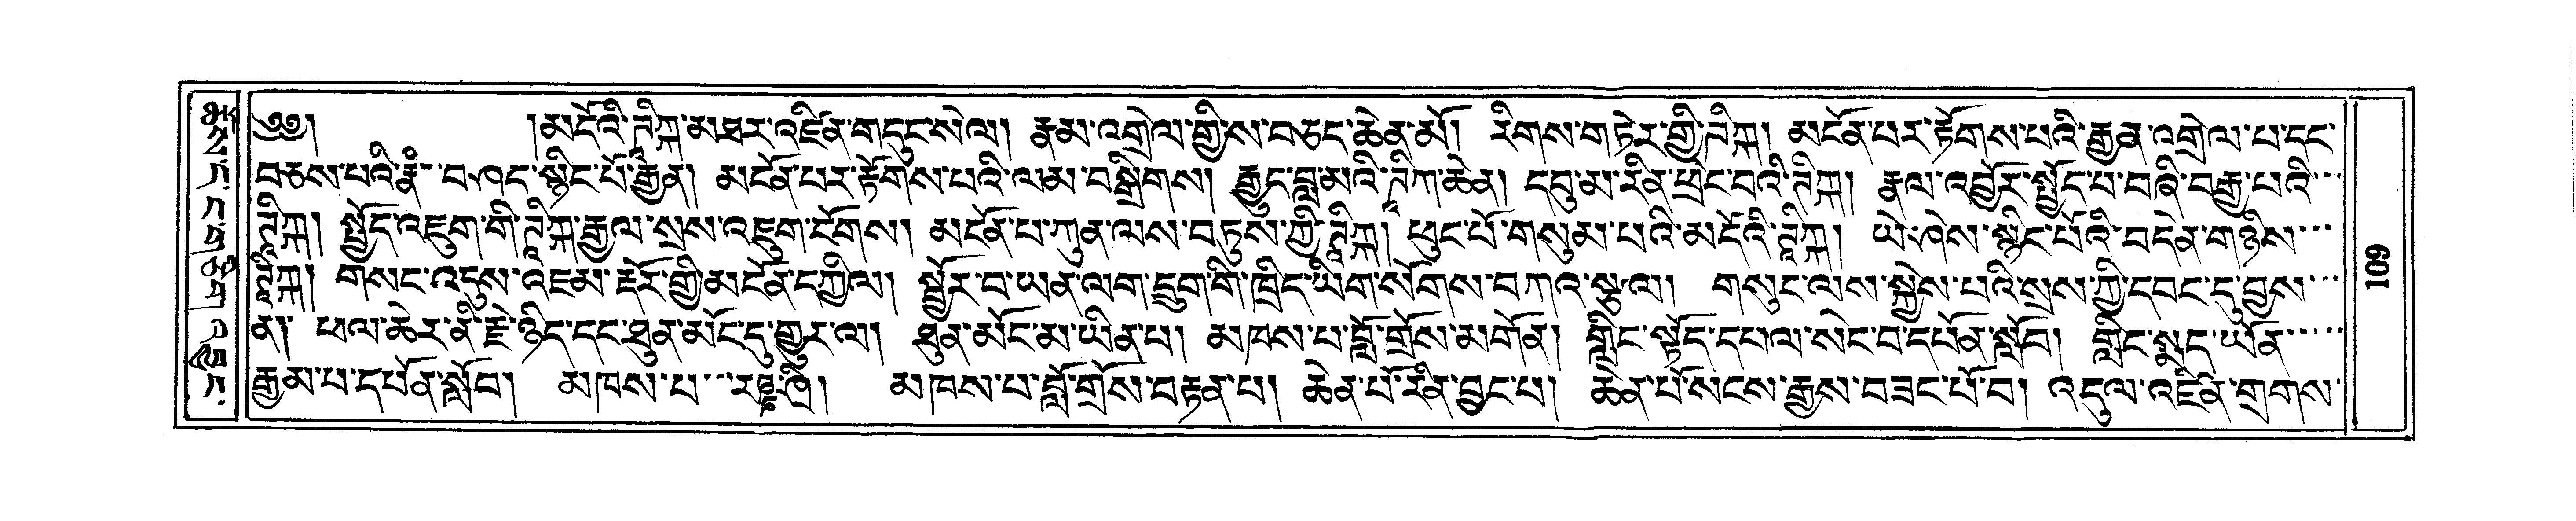༄༅། །མདོའི་ཊཱིཀྐ་མཐར་འཛིན་གདུང་སེལ། རྣམ་འགྲེལ་གྱི་ས་བཅད་ཆེན་མོ། རིགས་གཏེར་གྱི་ཊཱིཀྐ། མངོན་པར་རྟོགས་པའི་རྒྱན་འགྲེལ་པ་དང་
བཅས་པའི་རྣཾ་བཤད་སྙིང་པོ་རྒྱན། མངོན་པར་རྟོགས་པའི་ལམ་བསྒྲིགས། རྒྱུང་བླ་མའི་ཊཱིཀྐ་ཆེན། དབུ་མ་རིན་ཕྲེང་བའི་ཊཱིཀྐ། རྣལ་འབྱོར་སྤྱོད་པ་བཞི་བརྒྱ་པའི་
ཊཱིཀྐ། སྤྱོད་འཇུག་གི་ཊཱིཀྐ་རྒྱལ་སྲས་འཇུག་ངོགས། མངོན་པ་ཀུན་ལས་བཏུས་ཀྱི་ཊཱིཀྐ། ཕུང་པོ་གསུམ་པའི་མདོའི་ཊཱིཀྐ། ཡེ་ཤེས་སྙིང་པོའི་བདེན་གཉིས་
ཊཱིཀྐ། གསང་འདུས་འཇམ་རྡོར་གྱི་མངོན་དཀྱིལ། སྦྱོར་བ་ཡན་ལག་དྲུག་གི་ཁྲིད་ཡིག་སོགས་བཀའ་སྩལ། གསུང་ལས་སྐྱེས་པའི་སྲས་ཀྱི་དབང་དུ་བྱས་
ན༑ ཕལ་ཆེར་ནི་རྗེ་ཉིད་དང་ཐུན་མོང་དུ་གྱུར་ལ། ཐུན་མོང་མ་ཡིན་པ། མཁས་པ་བློ་གྲོས་མགོན། གླིང་སྟོད་དཔལ་སེང་བ་དཔོན་སློབ། གླིང་སྨད་ཡོན་
རྒྱམ་པ་དཔོན་སློབ། མཁས་པ་རཎྞ་ཤྲི། མཁས་པ་བློ་གྲོས་བརྟན་པ། ཆེན་པོ་རིན་བྱང་པ། ཆེན་པོ་སངས་རྒྱས་བཟང་པོ་བ། འདུལ་འཛིན་གྲགས་